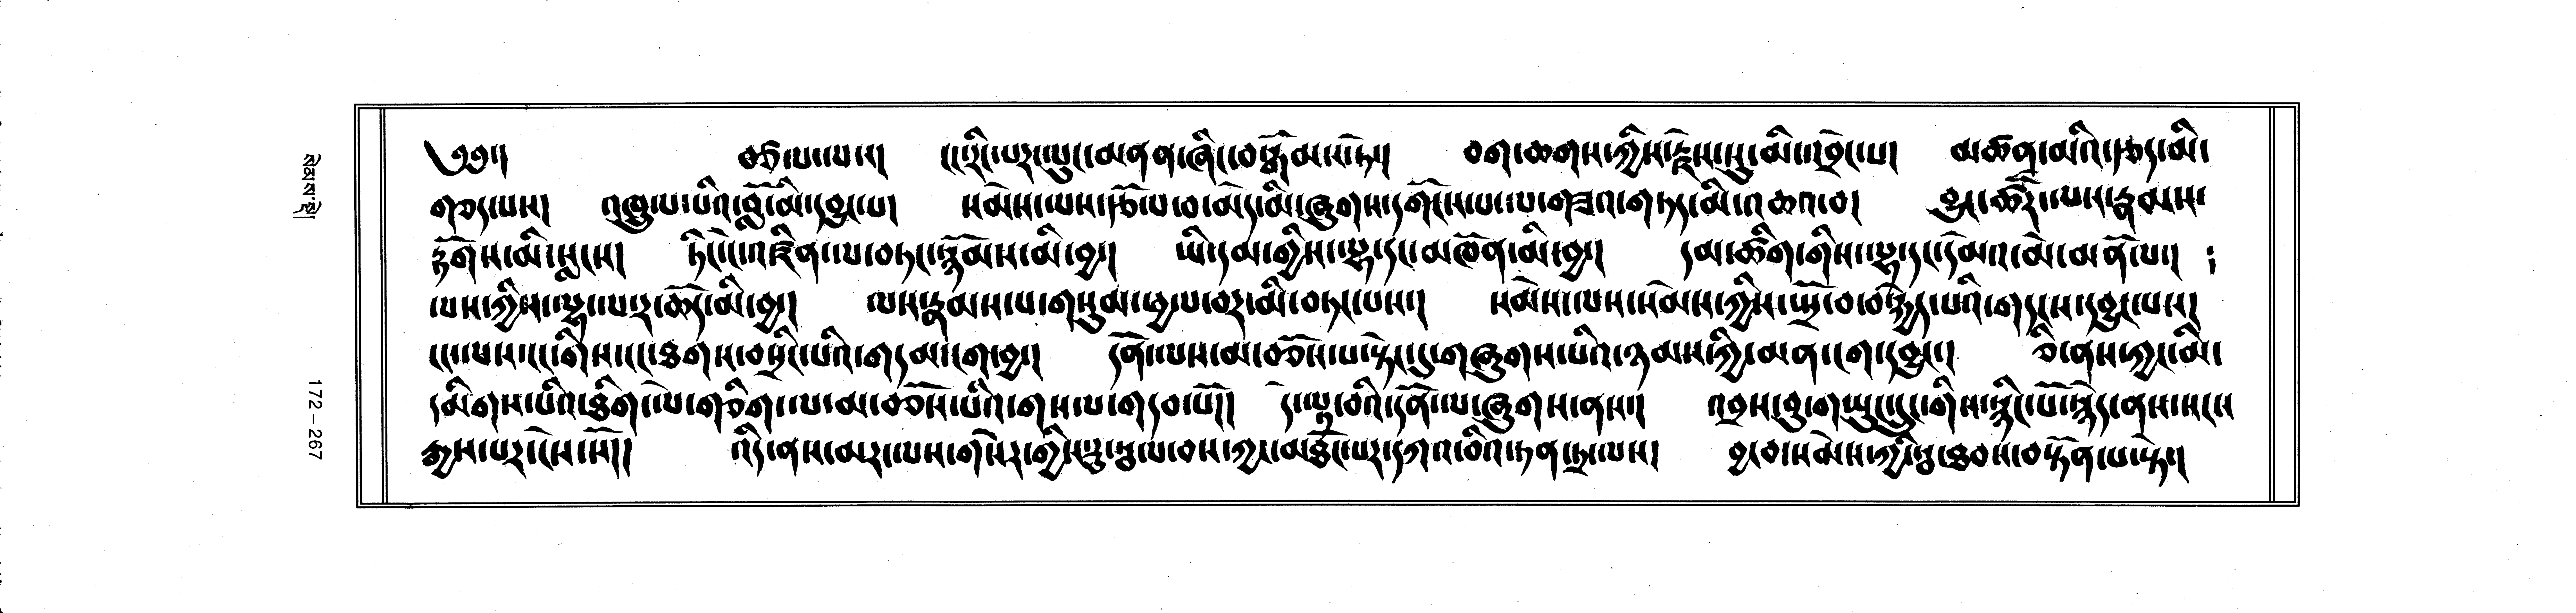བཙལ་ལས། ངང་རིང་པར་ལུང་མནན་ཞིང་བསྒོམས་ཏེ། བག་ཆགས་ཀྱིས་རྗེས་སུ་མི་འབྲེང་པ། མཚན་མའི་རྩད་མི་
གཅད་པས། འཁྲུལ་པའི་བློ་མི་དབྱུང་པ། སེམས་ལས་རྩོལ་བ་མེད་མི་ཞུགས་དགོངས་པ་ལ་གཟའ་གཏད་མི་འཆའ་བ། བྱུང་ཚོར་ལས་རྣམ་
རྟོགས་མི་སླངས། ཏིང་ངེ་འཛིན་ལ་བཏང་སྙོམས་མི་བྱ། ཡི་དམ་གྱིས་ལྷ་དང་མཁོན་མི་བྱ། དམ་ཚིགས་གིས་ལྷ་དང་དམེའ་མེ་མནོལ། 
ལས་ཀྱིས་ལྷ་ལ་ར་ཆོད་མི་བྱ། ལས་རྣམ་པ་གསུམ་ཕྱལ་བར་མི་བཏང་པས། སེམས་ལས་སེམས་ཀྱིས་སྤྲོ་བ་བསྐྱེད་པའི་གདངས་དབྱུང་པས། 
ངང་ལས་ངང་གིས་ངང་ཐགས་བསྲིང་པའི་གདམ་ངག་བྱ། དོན་ལས་མ་བཅོས་པ་སྟེང་དུ་གཞུགས་པའི་ཉམས་ཀྱི་མན་ངག་དབྱུང་། ཅི་ནས་ཀྱང་མི་
དམིགས་པའི་ཐིག་ལེ་གཅིག་ལ་མ་བཅོས་པའི་གསལ་གདབ་པོ། དེ་ལྟ་བའི་དོན་ལ་ཞུགས་ནས། འབྲས་བུ་གཡུང་དྲུང་གིས་སྙིང་པོ་རྙེད་ནས་སངས་
རྒྱས་པར་ངེས་སོ། འདི་ནས་མར་ལས་གསེར་གྱིས་རུ་སྦལ་བས་ཀྱང་མཐོང་པར་དཀའ་བའི་ཏན་ཏྲ་ལས། བྱང་ཆུབ་སེམས་ཀྱི་སྦ་ཐབས་བསྟོན་པ་སྟེ།